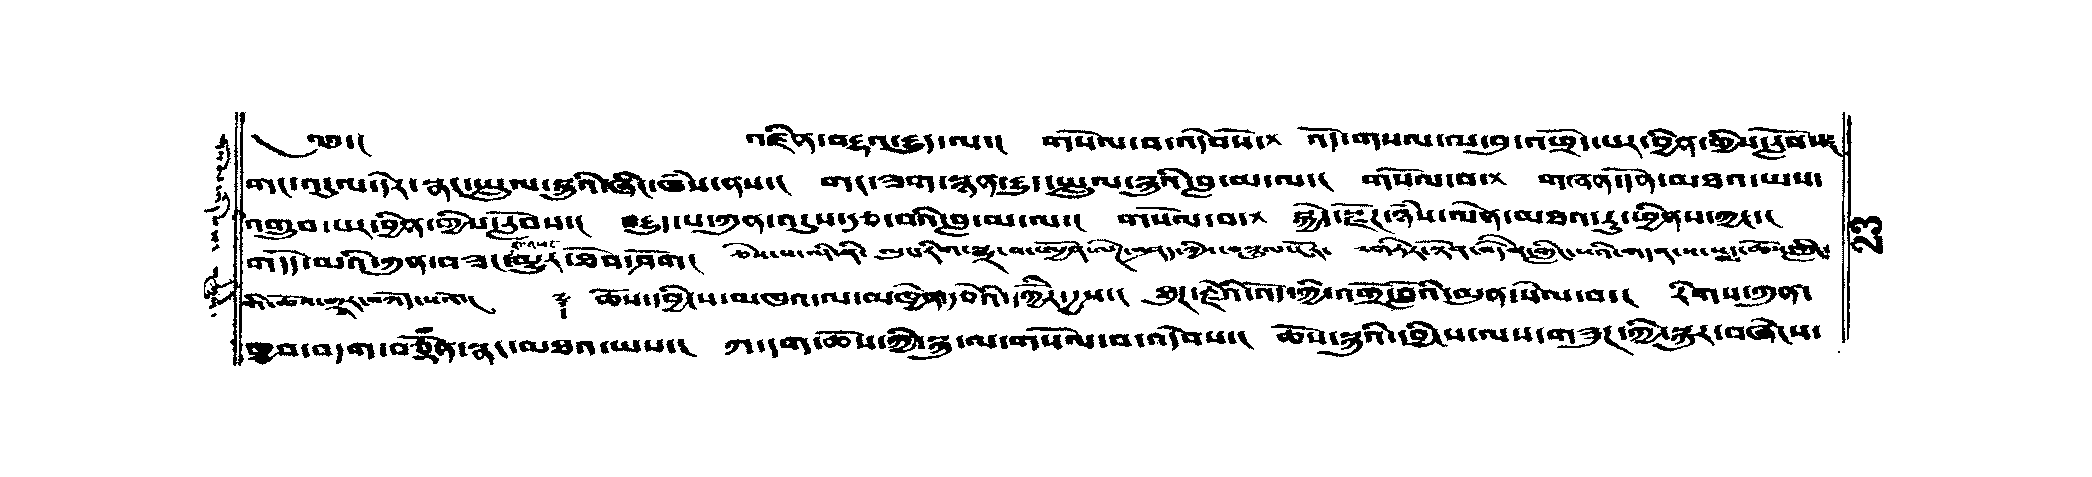འཛིན་བརྡ་རྒྱུད་ལ། །གསོལ་བ་འདེབས༴ །འོད་གསལ་མ་བུ་འཕྲོད་པར་བྱིན་གྱིས་རློབས། །
གང་འདུལ་དེར་སྣང་སྤྲུལ་སྐུའི་ཞིང་ཁམས་ནས། །གང་ཟག་སྙན་རྒྱུད་སྤྲུལ་སྐུའི་བླ་མ་ལ། །གསོལ་བ༴ །གཞན་དོན་མཐའ་ཡས་
འགྲུབ་པར་བྱིན་གྱིས་རློབས། །བརྒྱུད་པ་ཀུན་འདུས་རྩ་བའི་བླ་མ་ལ། །གསོལ་བ༴ །བསྐྱེད་རྫོགས་ཉམས་ལེན་མཐའ་རུ་ཕྱིན་ནས་ཀྱང་། 
གདོད་མའི་ཀུན་བཟང་གོ་འཕང་མྱུར་ཐོབ་ཤོག ཅེས་པ་འདི་ནི་ལུང་རིགས་སྨྲ་བ་ཨོ་རྒྱན་ལེགས་བཤད་ཀྱིས་བསྐུལ་ངོར། གཏེར་སྟོན་བདེ་ཆེན་གླིང་པའི་གདན་ས་པདྨ་ཆོས་གླིང་
གི་ཆོས་གྲྭར་བཀོད་པའོ།། ༈ ཆོས་དབྱིངས་མཁའ་ལ་མཁྱེན་རྩེའི་དཀྱིལ་འཁོར་རྒྱས། །ཐུགས་རྗེའི་འོད་ཀྱི་འགྲོ་བློའི་མུན་སེལ་བ། །རིགས་ཀུན་
ཁྱབ་བདག་བཅོམ་ལྡན་སྣང་མཐའ་ཡས། །ཀ་དག་ཆོས་ཀྱི་སྐུ་ལ་གསོལ་བ་འདེབས། །ཆོས་སྐུའི་དབྱིངས་ལས་གཟུགས་ཀྱི་སྐུར་བཞེངས་